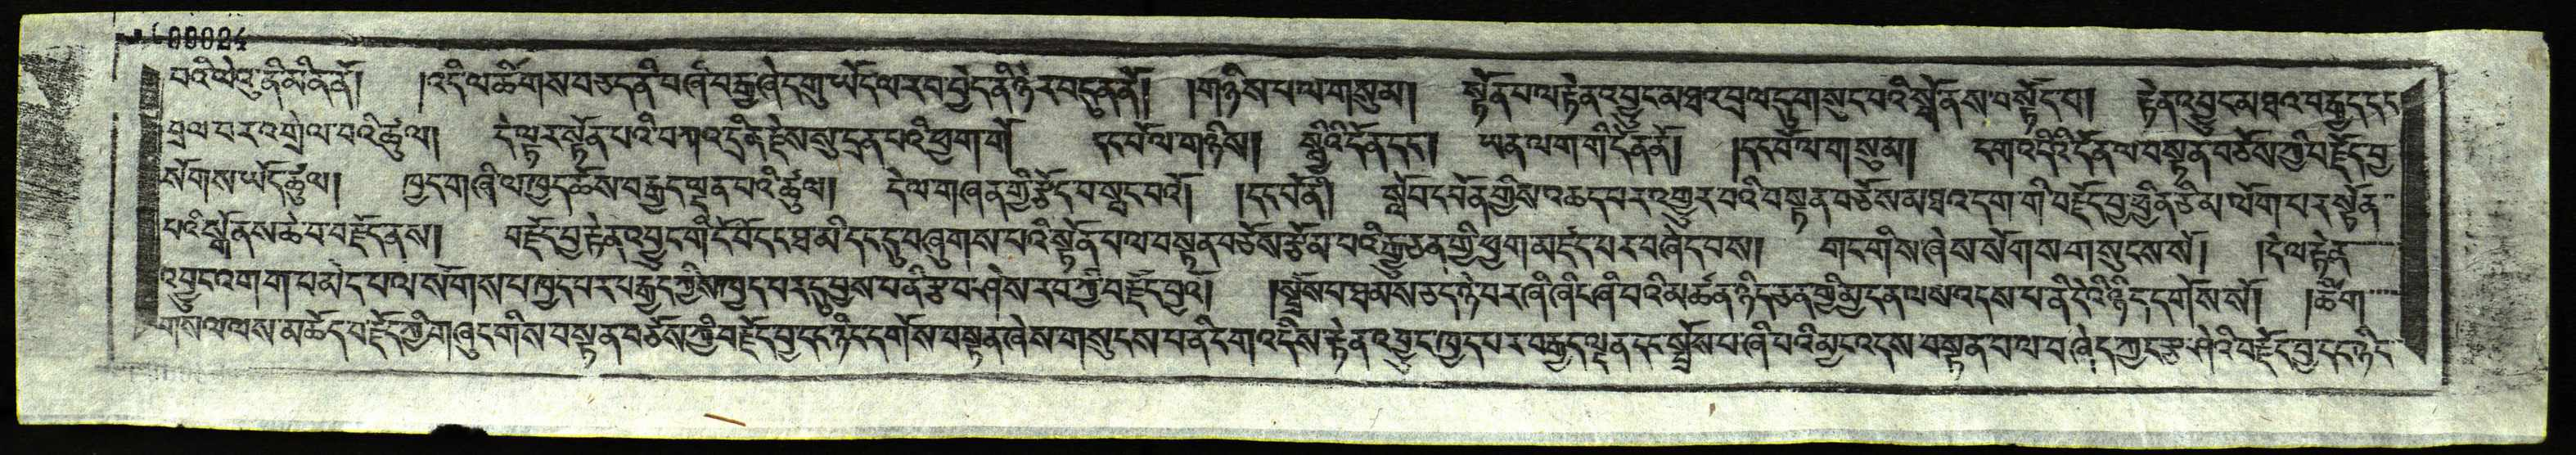བའི་ལེའུ་ནི་མིན་ནོ། །འདི་ལ་ཚིགས་བཅད་ནི་བཞི་བརྒྱ་ཞེ་དགུ་ཡོད་ལ་རབ་བྱེད་ནི་ཉེར་བདུན་ནོ། །གཉིས་པ་ལ་གསུམ། སྟོན་པ་ལ་རྟེན་འབྱུང་མཐའ་བྲལ་དུ་གསུང་བའི་སྒོ་ནས་བསྟོད་པ། རྟེན་འབྱུང་མཐའ་བརྒྱད་དང་
བྲལ་བར་འགྲེལ་བའི་ཚུལ། དེ་ལྟར་སྟོན་པའི་བཀའ་དྲིན་རྗེས་སུ་དྲན་པའི་ཕྱག་གོ་དང་པོ་ལ་གཉིས། སྤྱིའི་དོན་དང་། ཡན་ལག་གི་དོན་ནོ། །དང་པོ་ལ་གསུམ། དག་འདིའི་དོན་ལ་བསྟན་བཅོས་ཀྱི་བརྗོད་བྱ་
སོགས་ཡོད་ཚུལ། ཁྱད་གཞི་ལ་ཁྱད་ཆོས་བརྒྱད་ལྡན་པའི་ཚུལ། དེ་ལ་གཞན་གྱི་རྩོད་པ་སྤང་བའོ། །དང་པོ་ནི། སློབ་དཔོན་གྱིས་འཆད་པར་འགྱུར་བའི་བསྟན་བཅོས་མཐའ་དག་གི་བརྗོད་བྱ་ཕྱིན་ཅི་མ་ལོག་པར་སྟོན་
པའི་སྒོ་ནས་ཆེ་བ་བརྗོད་ནས། བརྗོད་བྱ་རྟེན་འབྱུང་གི་ངོ་བོ་དང་ཐ་མི་དང་དུ་བཞུགས་པའི་སྟོན་པ་ལ་བསྟན་བཅོས་རྩམ་པའི་རྒྱུ་ཅན་གྱི་ཕྱག་མཛད་པར་བཞེད་པས། གང་གིས་ཞེས་སོགས་གསུངས་སོ། །དེ་ལ་རྟེན་
འབྱུང་འགག་པ་མེད་པ་ལ་སོགས་པ་ཁྱད་པར་བརྒྱད་ཀྱིས་ཁྱད་པར་དུ་བྱས་པ་ནི་རྩ་བ་ཤེས་རབ་ཀྱི་བརྗོད་བྱའོ། །སྤྲོས་པ་ཐམས་ཅད་ཉེ་བར་ཞི་ཞིང་ཞི་བའི་མཚན་ཉིད་ཅན་གྱི་མྱ་ངན་ལས་འདས་པ་ནི་དེའི་ཉིད་དགོས་སོ། །ཚིག་
གསལ་ལས་མཆོད་བརྗོད་ཀྱི་གཞུང་གིས་བསྟན་བཅོས་ཀྱི་བརྗོད་བྱ་དང་ཉིང་དགོས་བསྟན་ཞེས་གསུངས་པ་ནི་དག་འདིས་རྟེན་འབྱུང་ཁྱད་པར་བརྒྱད་ལྡན་དང་སྤྲོས་པ་ཞི་བའི་མྱང་འདས་བསྟན་པ་ལ་བཞེད་ཀྱང་རྩེ་ཤེའི་བརྗོད་བྱ་དང་ཉིད་